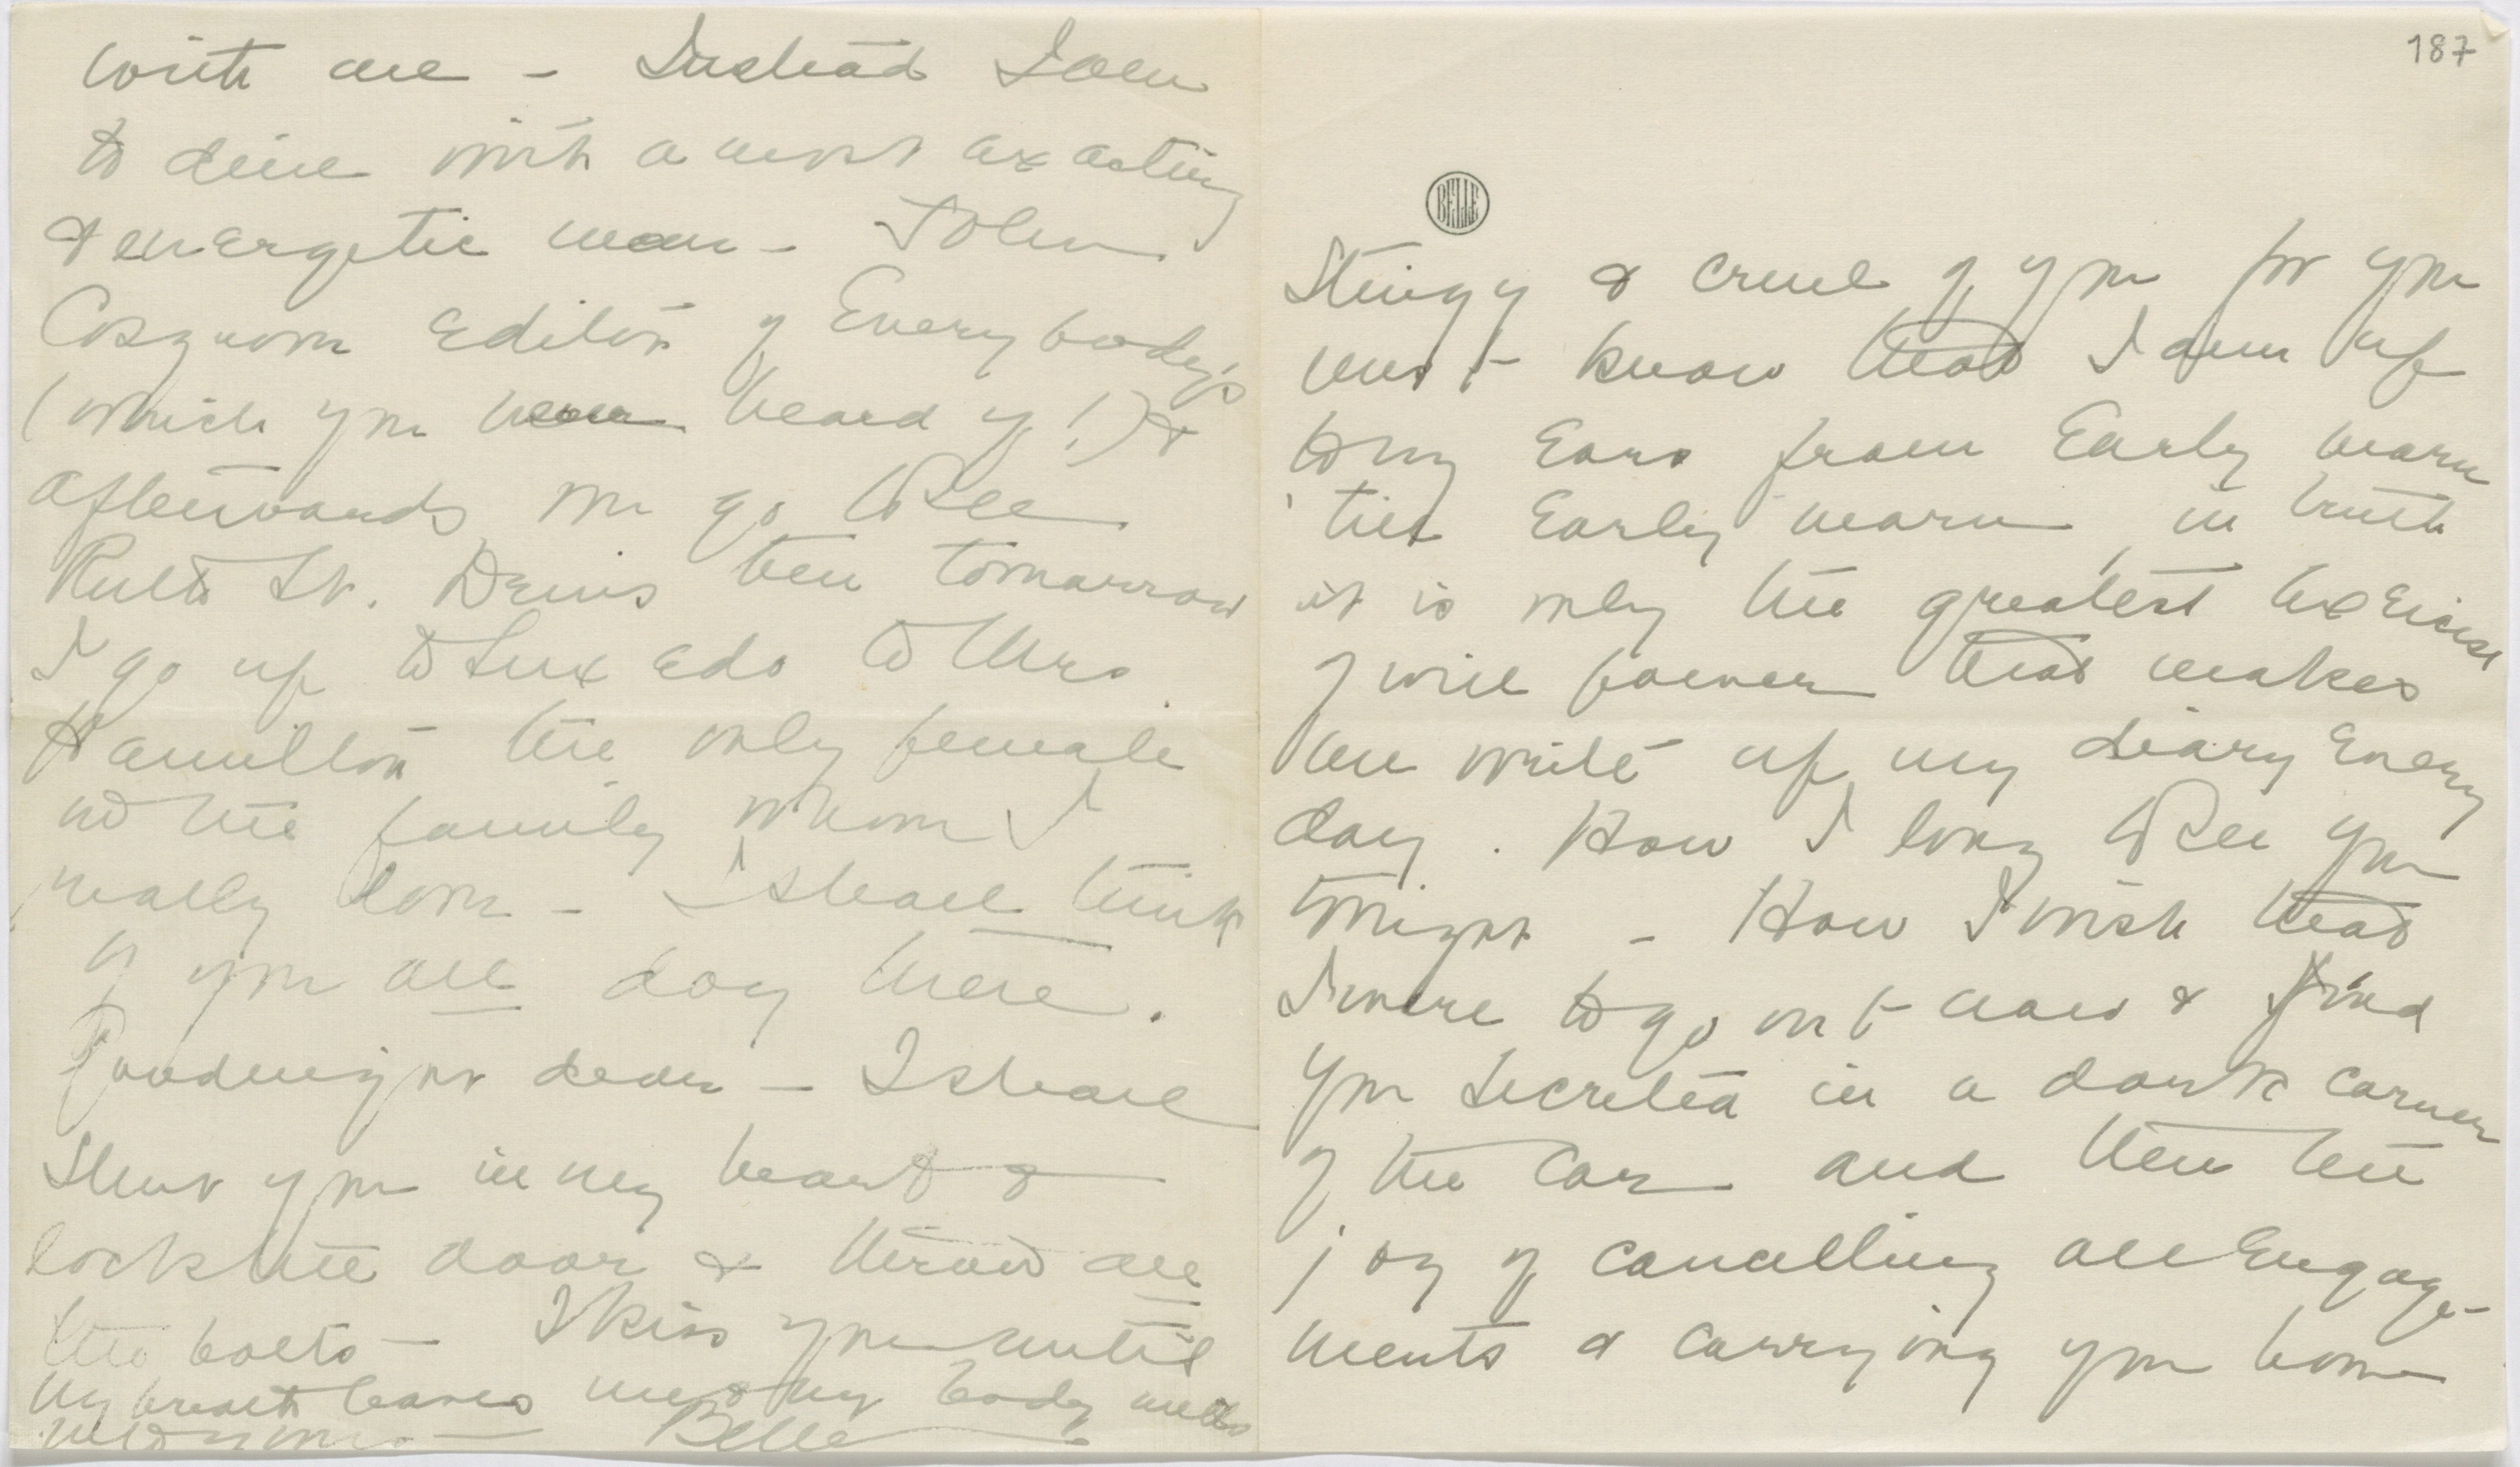stingy & cruel of you for you must know that I am up to my ears from early morn ‘till early morn, in truth it is only the greatest exercise of will power that makes me write up my diary every day. How I long to see you tonight – How I wish that I were to go out now & find you secreted in a dark corner of the car and then the joy of cancelling all engagements & carrying you home
with me – Instead I am to dine with a most exacting & energetic man – John Cosgrove Editor of Everybody’s (which you never heard of!) & afterwards we go to see Ruth St. Denis then tomorrow I go up to Tuxedo to Mrs. Hamilton the only female in the family whom I really love – I shall think of you all day there. Goodnight dear – I shall shut you in my heart & lock the door & throw all the bolts – I kiss you until my breath leaves me & my body melts into yours Belle